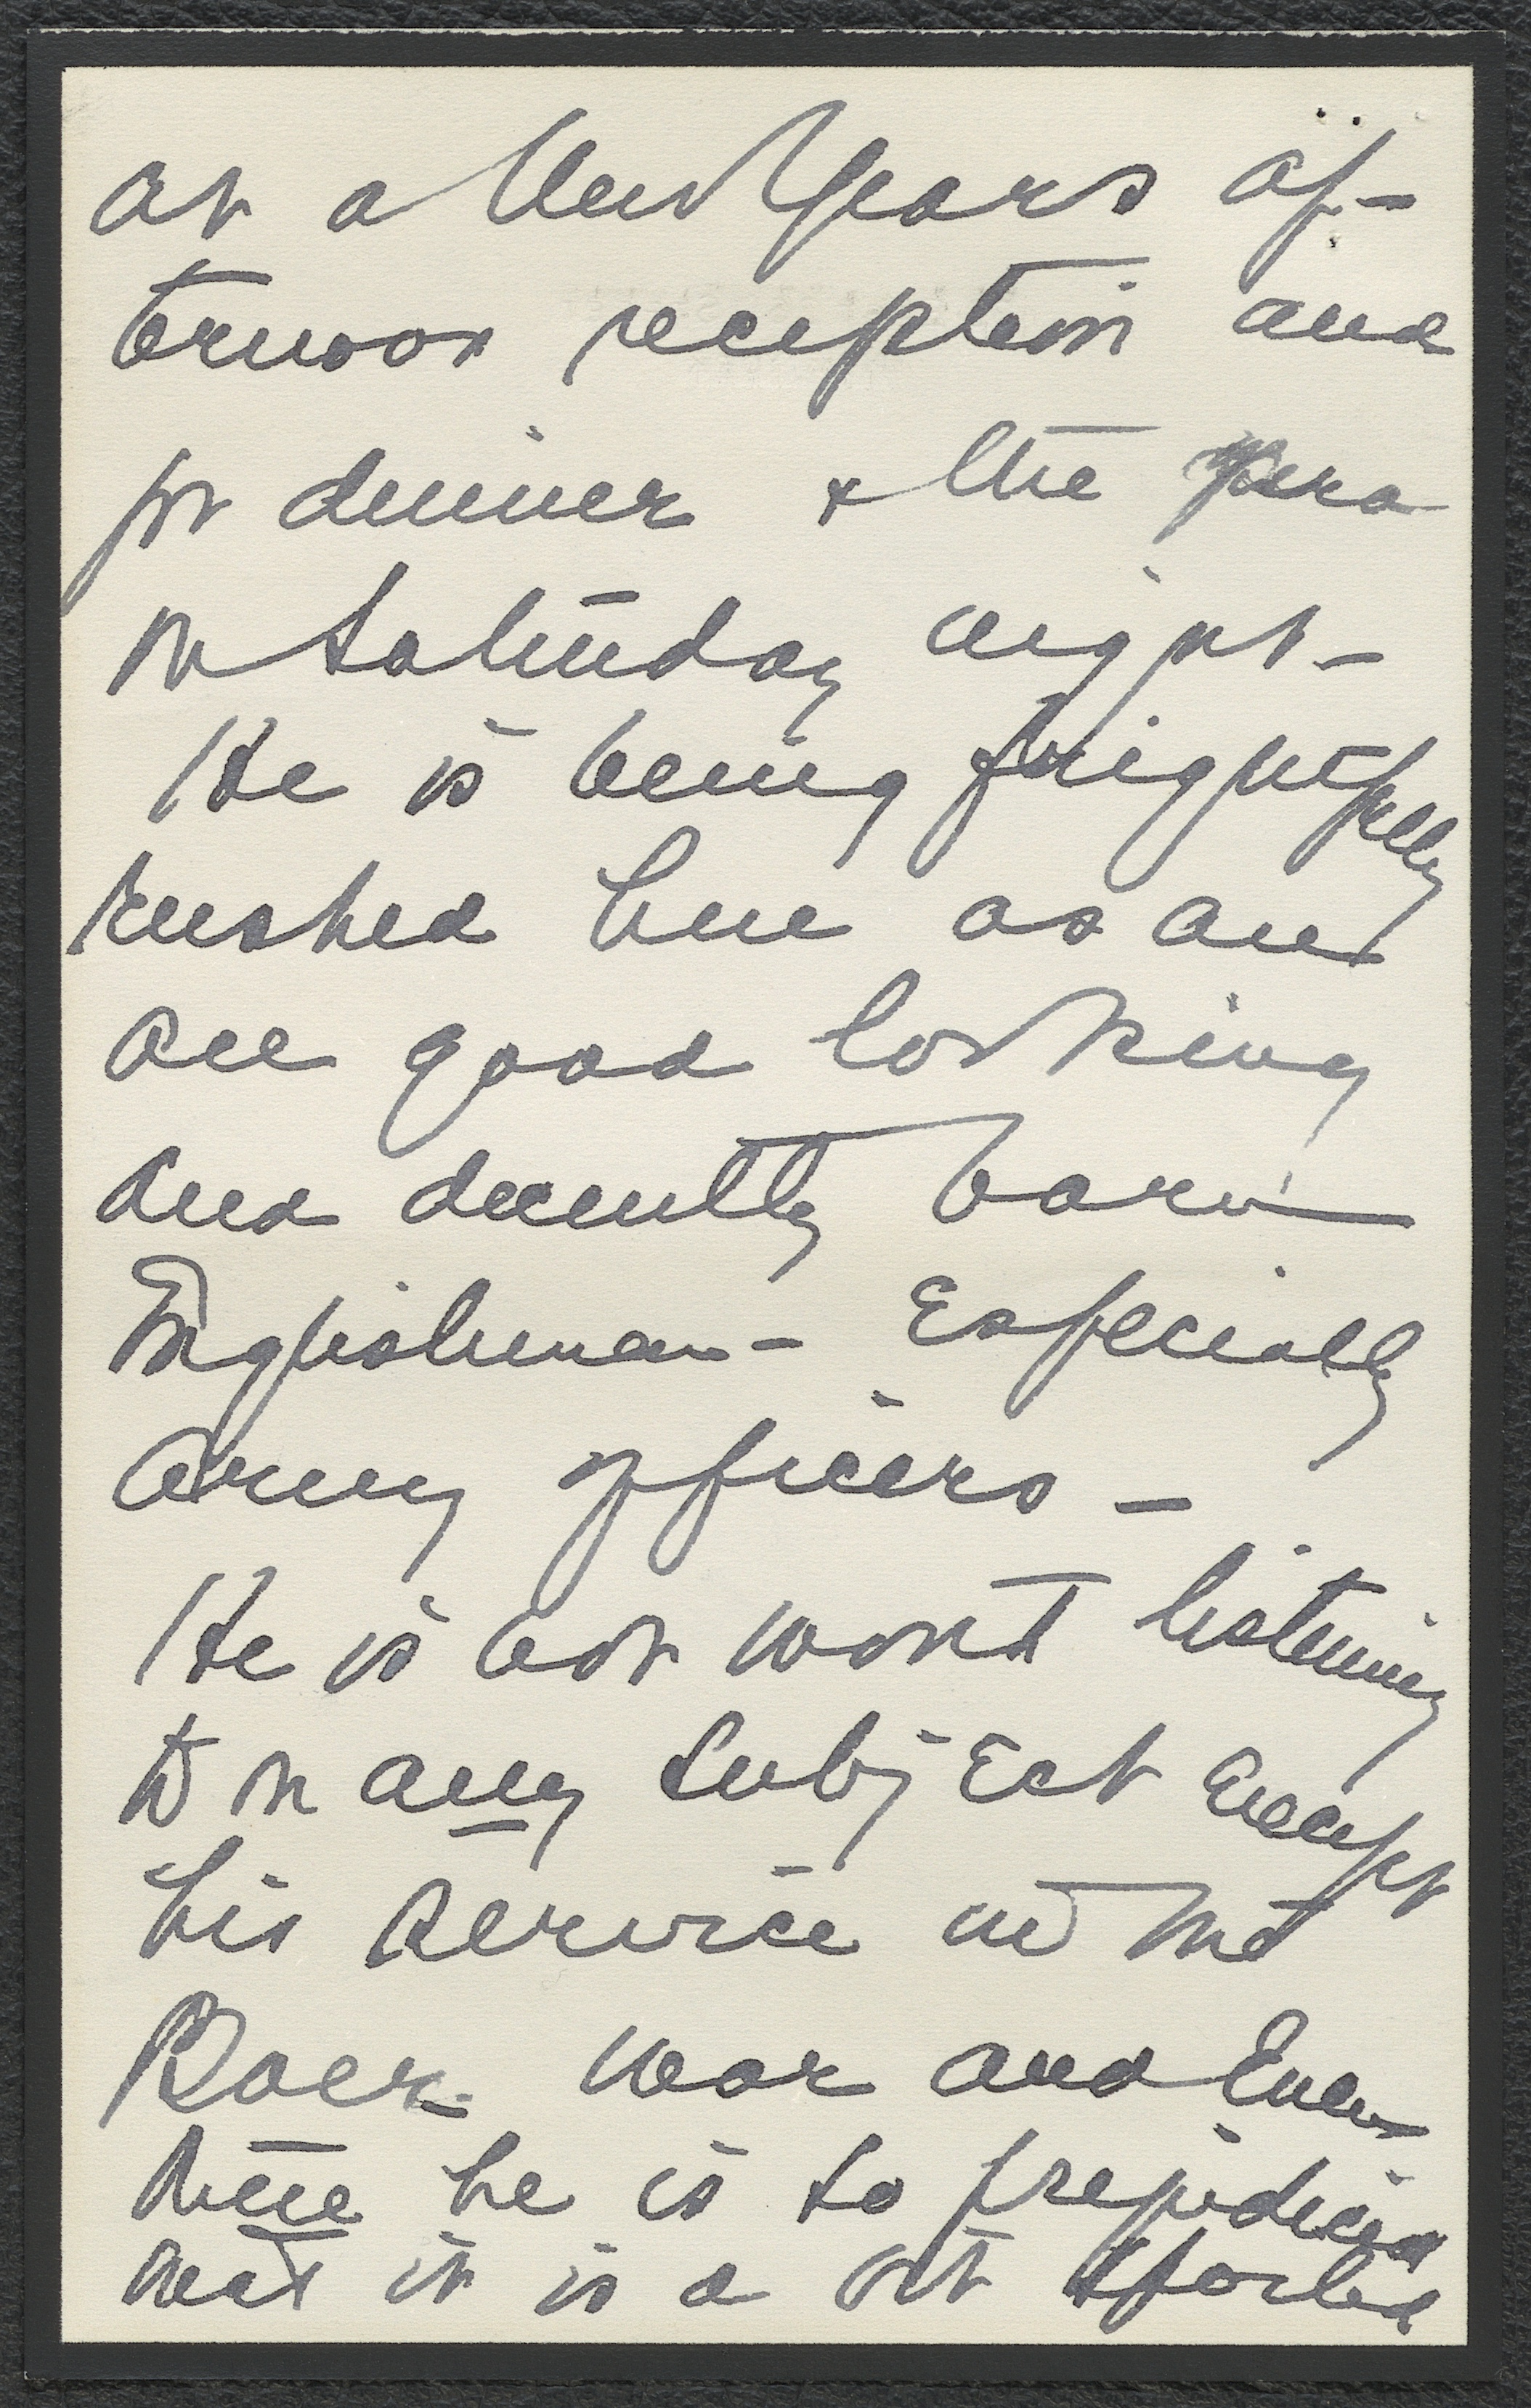at a New Years afternoon reception and for dinner & the opera on Saturday night –
He is being frightfully rushed here as are all good looking and decently born Englishmen – especially Army officers –
He is not worth listening to on any subject except his service in the Boer war and even there he is so prejudiced that it is a bit spoiled